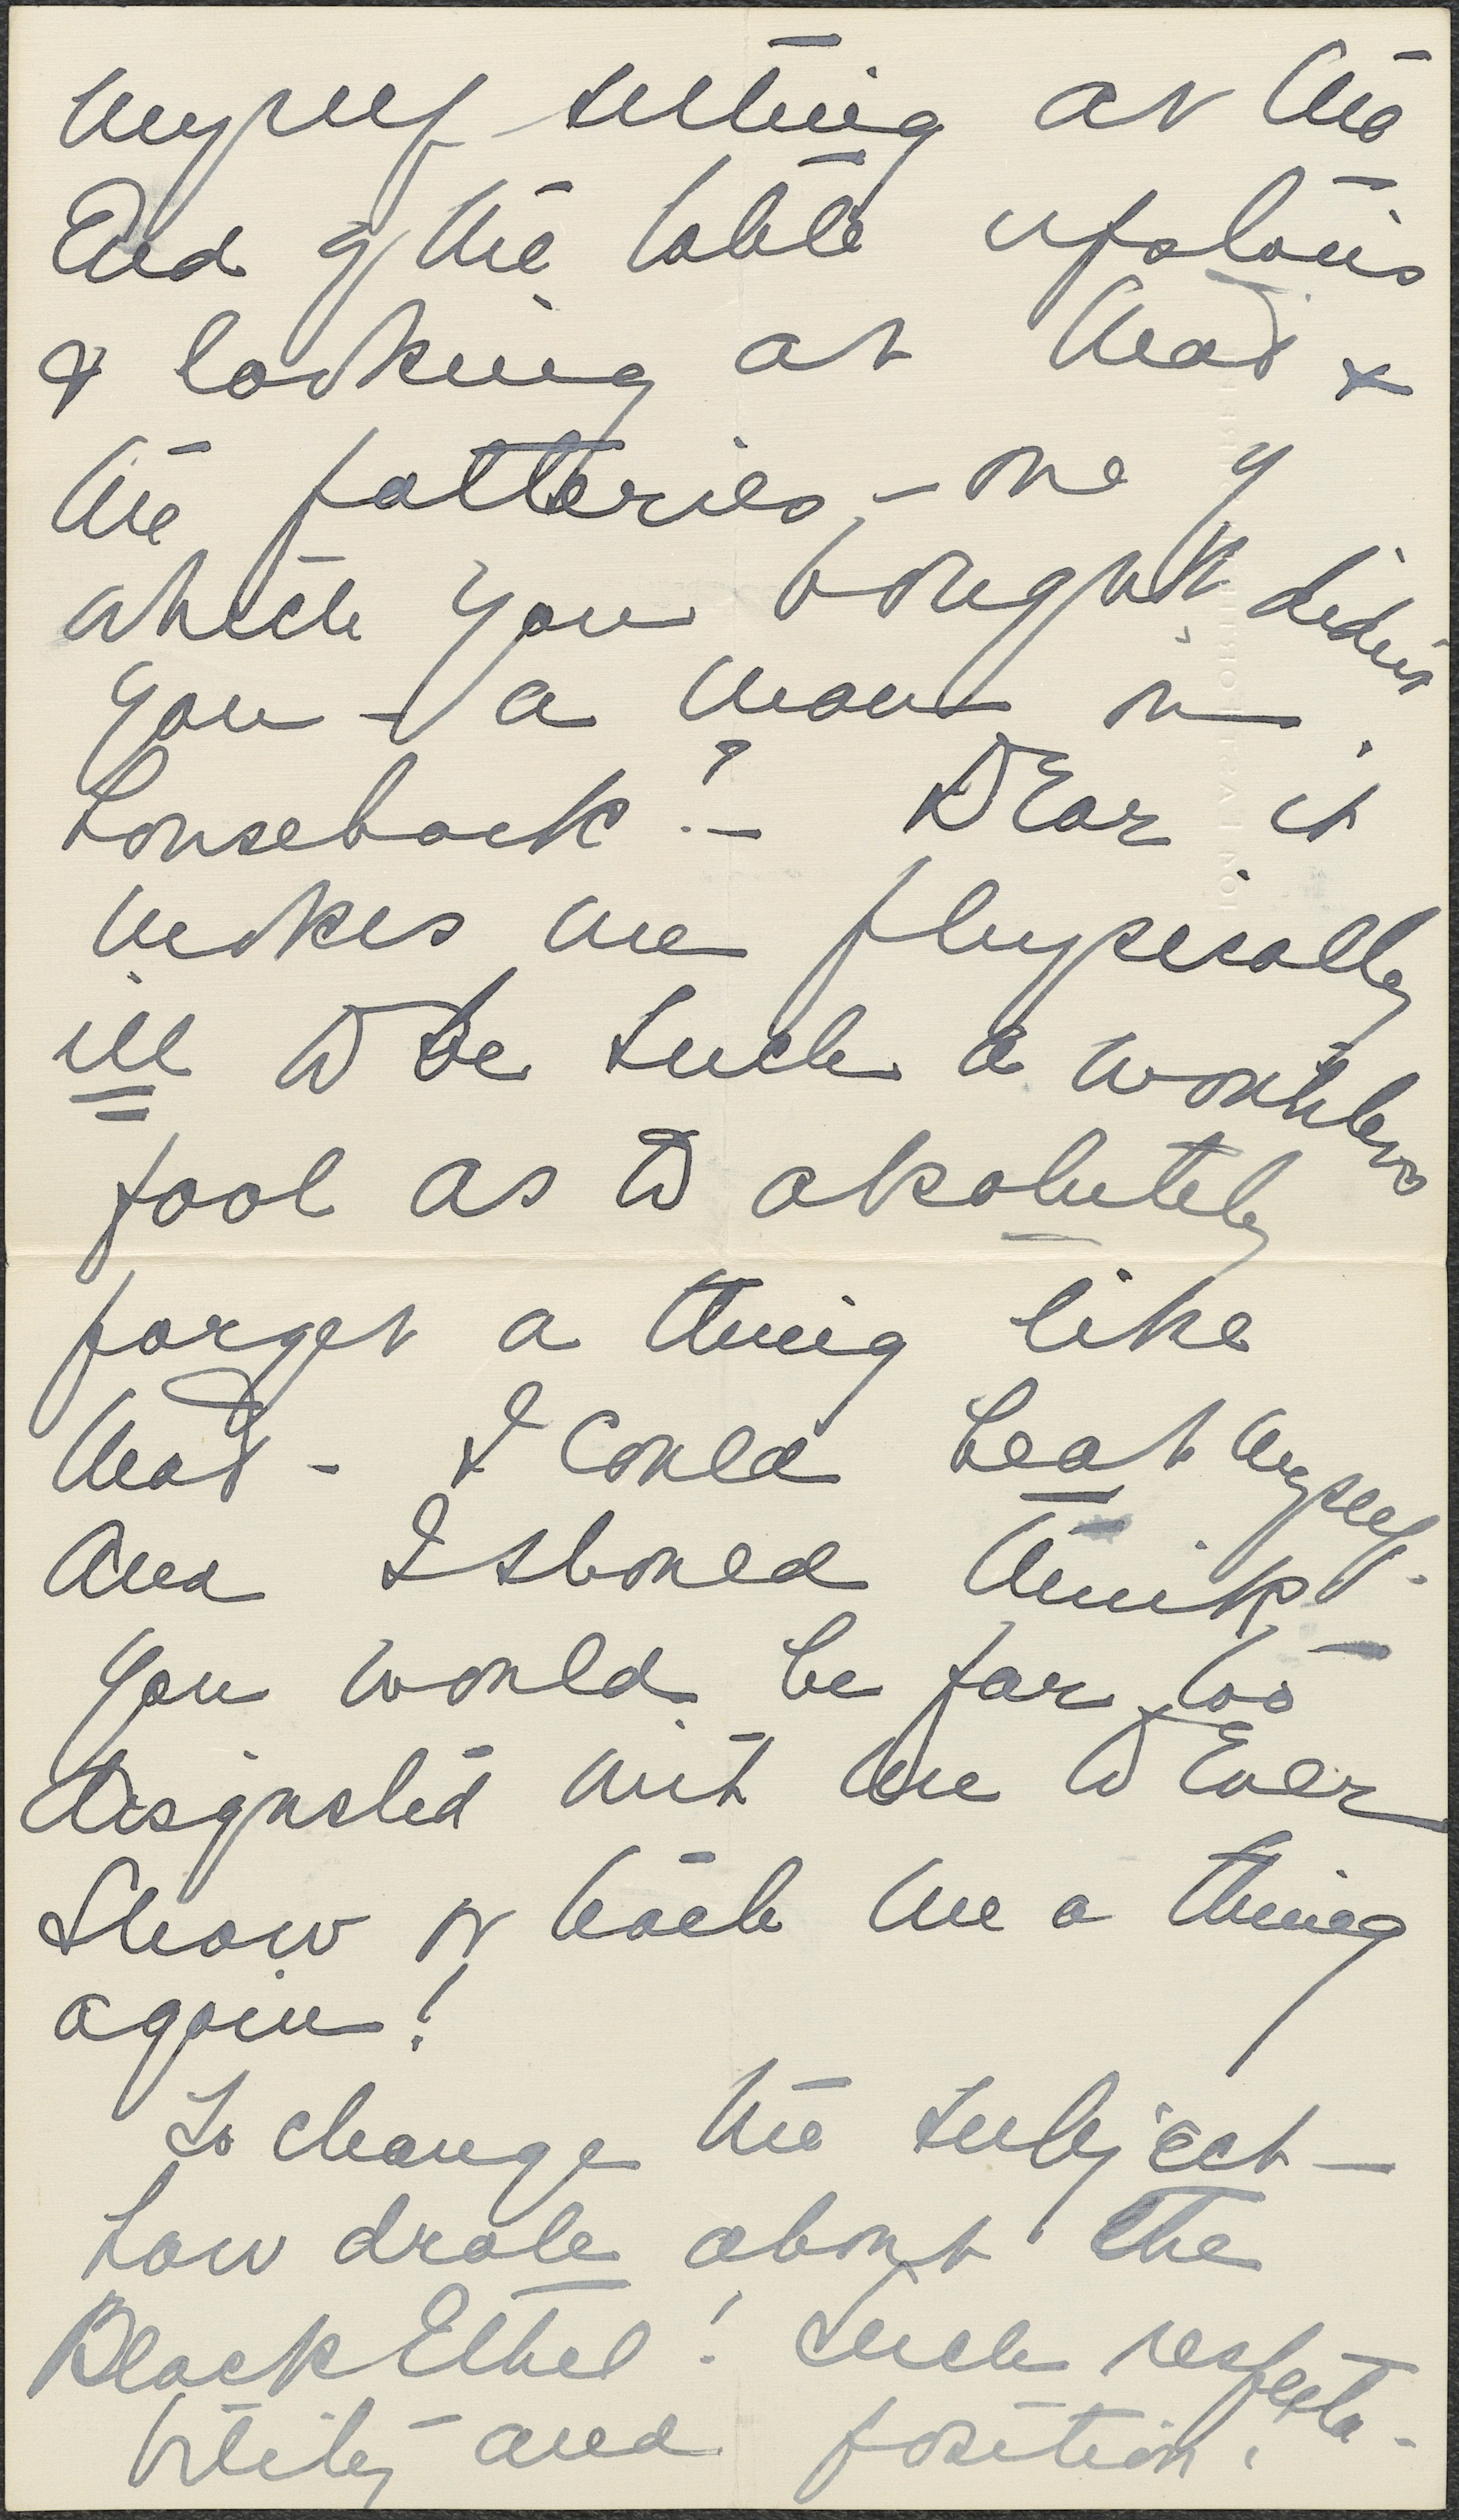myself sitting at the end of the table upstairs & looking at that & the potteries – one of which you bought didn’t you – a man on horseback? – Dear it makes me physically [double underlined: ill] to be such a worthless fool as to absolutely forget a thing like that – I could beat myself. and I should think you would be far too disgusted with me to ever show or teach me a thing again!
To change the subject – how drab about the Black Ethel! Such respectability and position.